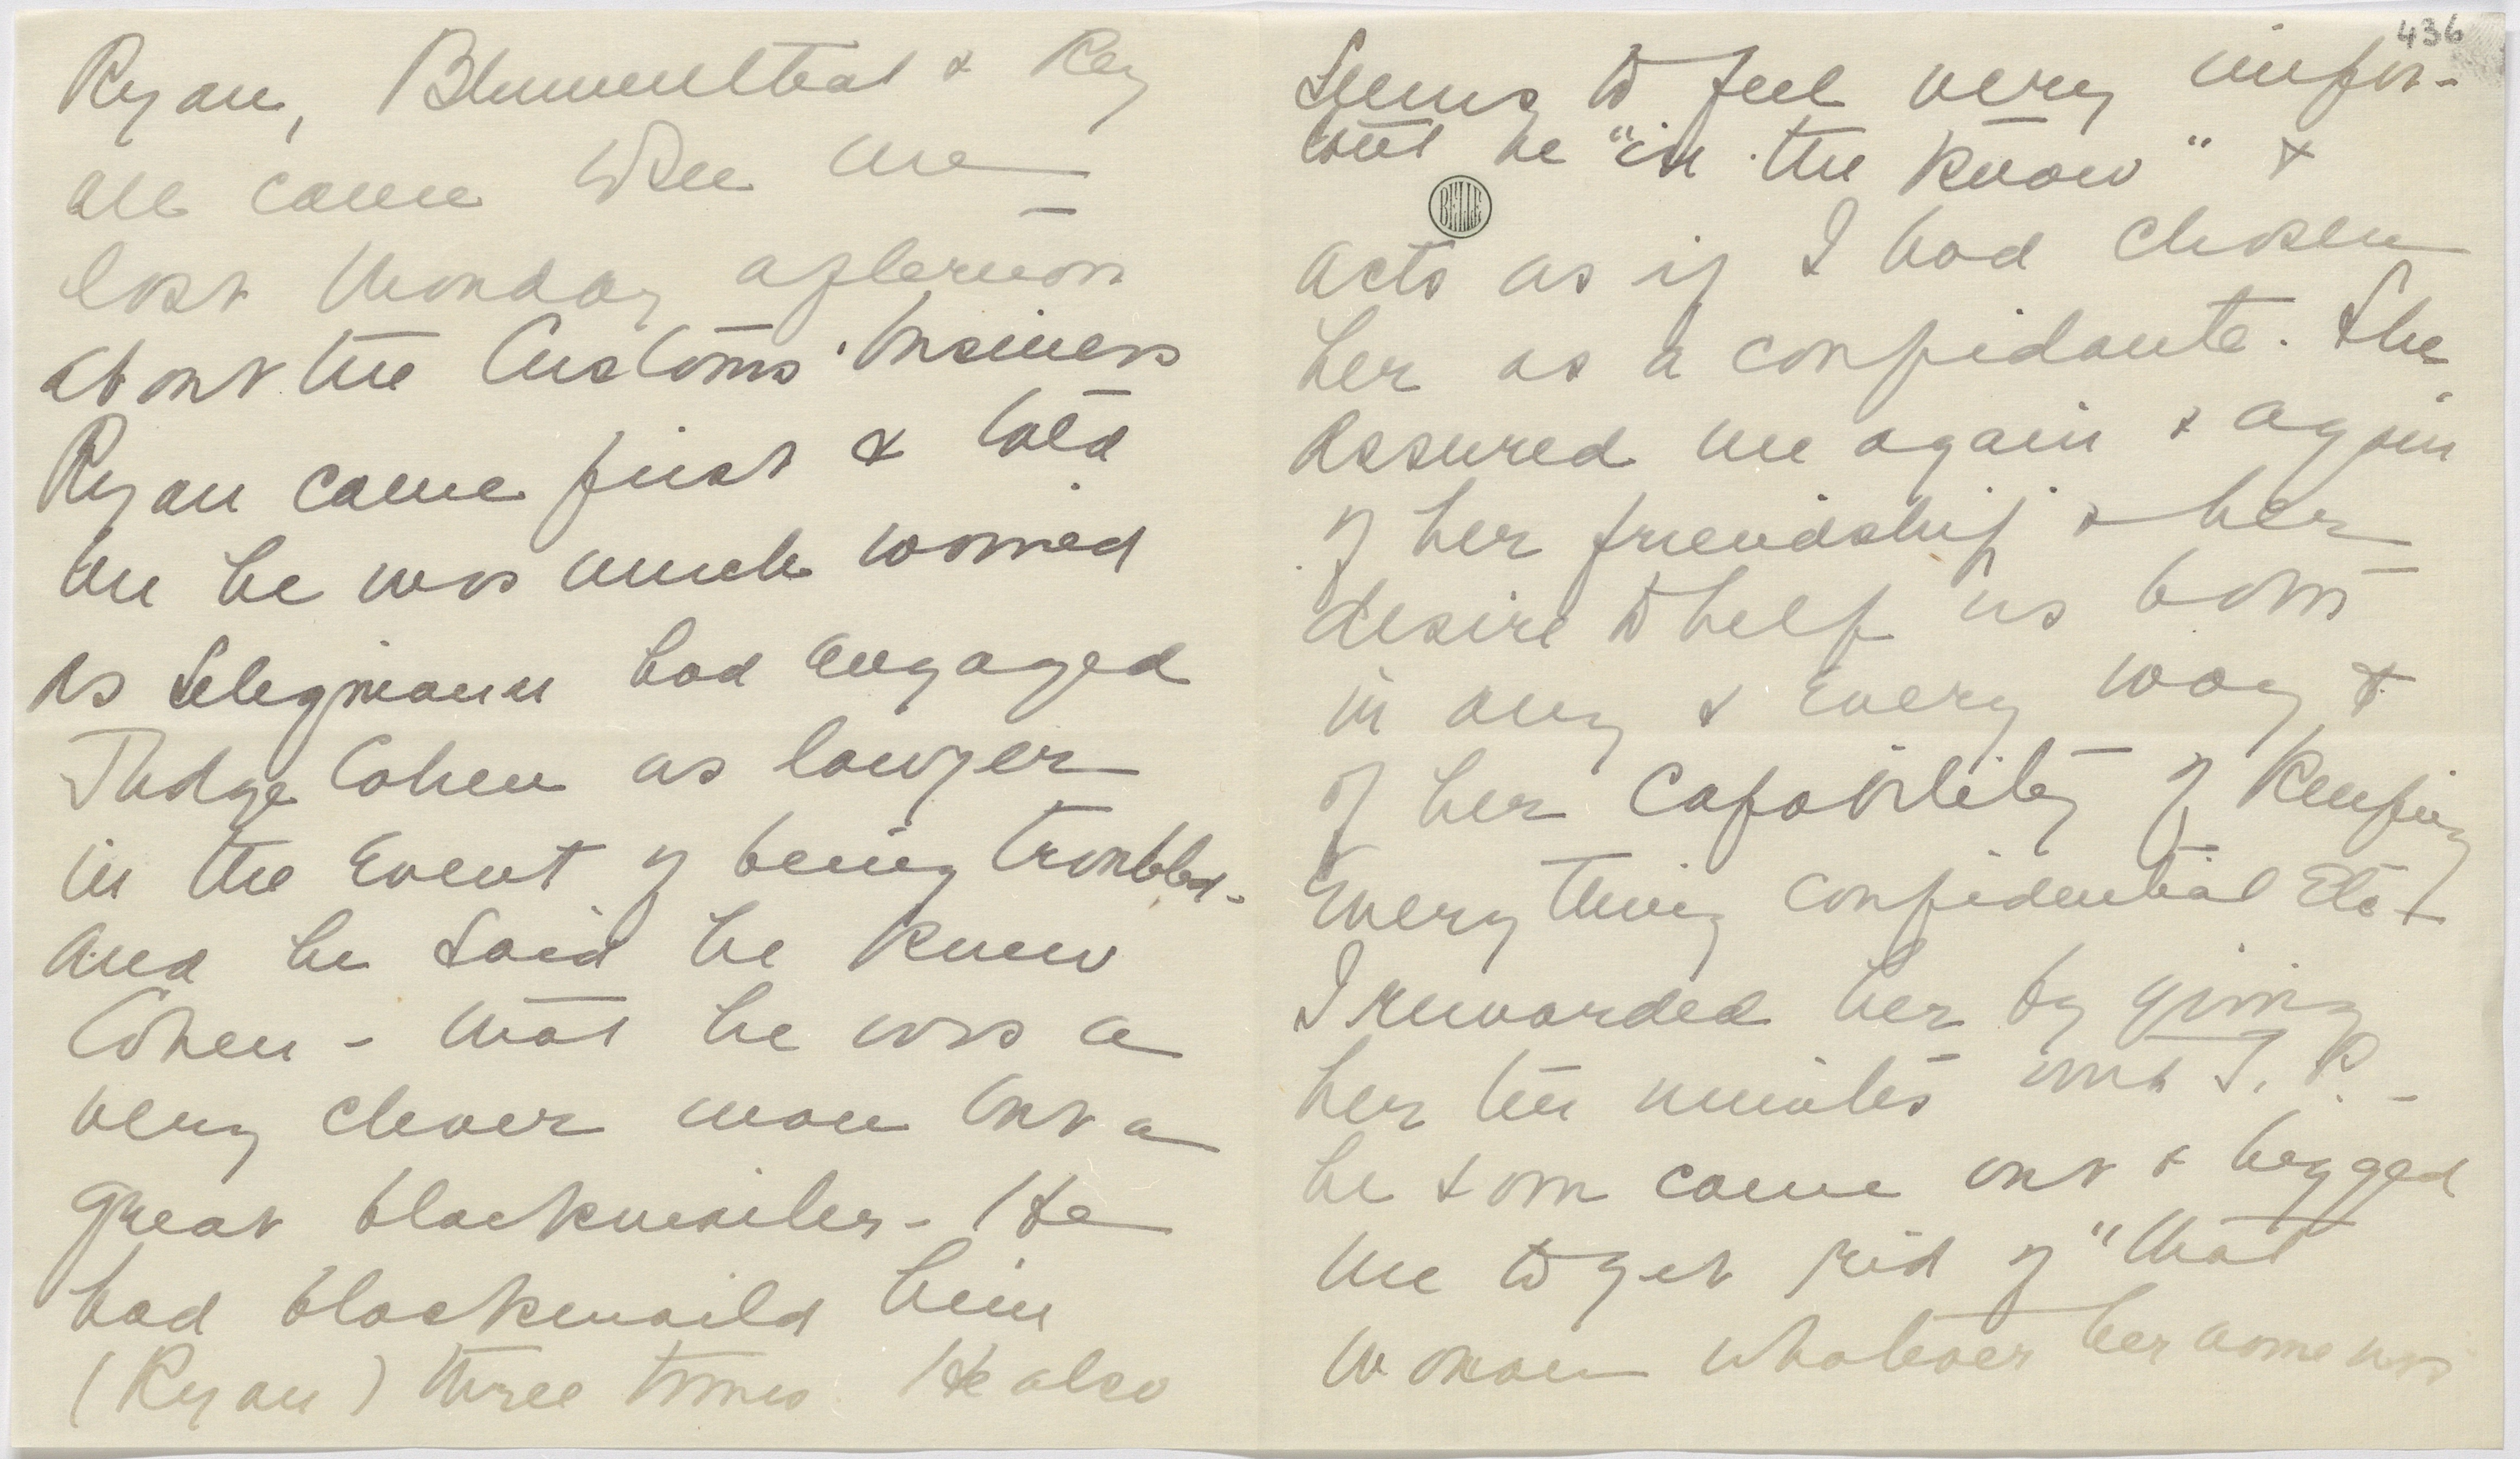seems to feel very important be “in the know” & acts as if I had chosen her as a confidante. She assured me again & again of her friendship & her desire to help us both in any & every way & of her capability of keeping every thing confidential etc – I rewarded her by giving her ten minutes with J. P. – he soon came out & begged me to get rid of “that woman whatever her name was”
Ryan, Blumenthal & Rey all came to see me last monday afternoon about the Customs’ business Ryan came first & told me he was much worried as Seligmann had engaged Judge Cohen as lawyer in the event of being troubled – and he said he knew Cohen – that he was a very clever man but a great blackmailer – he had blackmailed him (Ryan) three times. He also